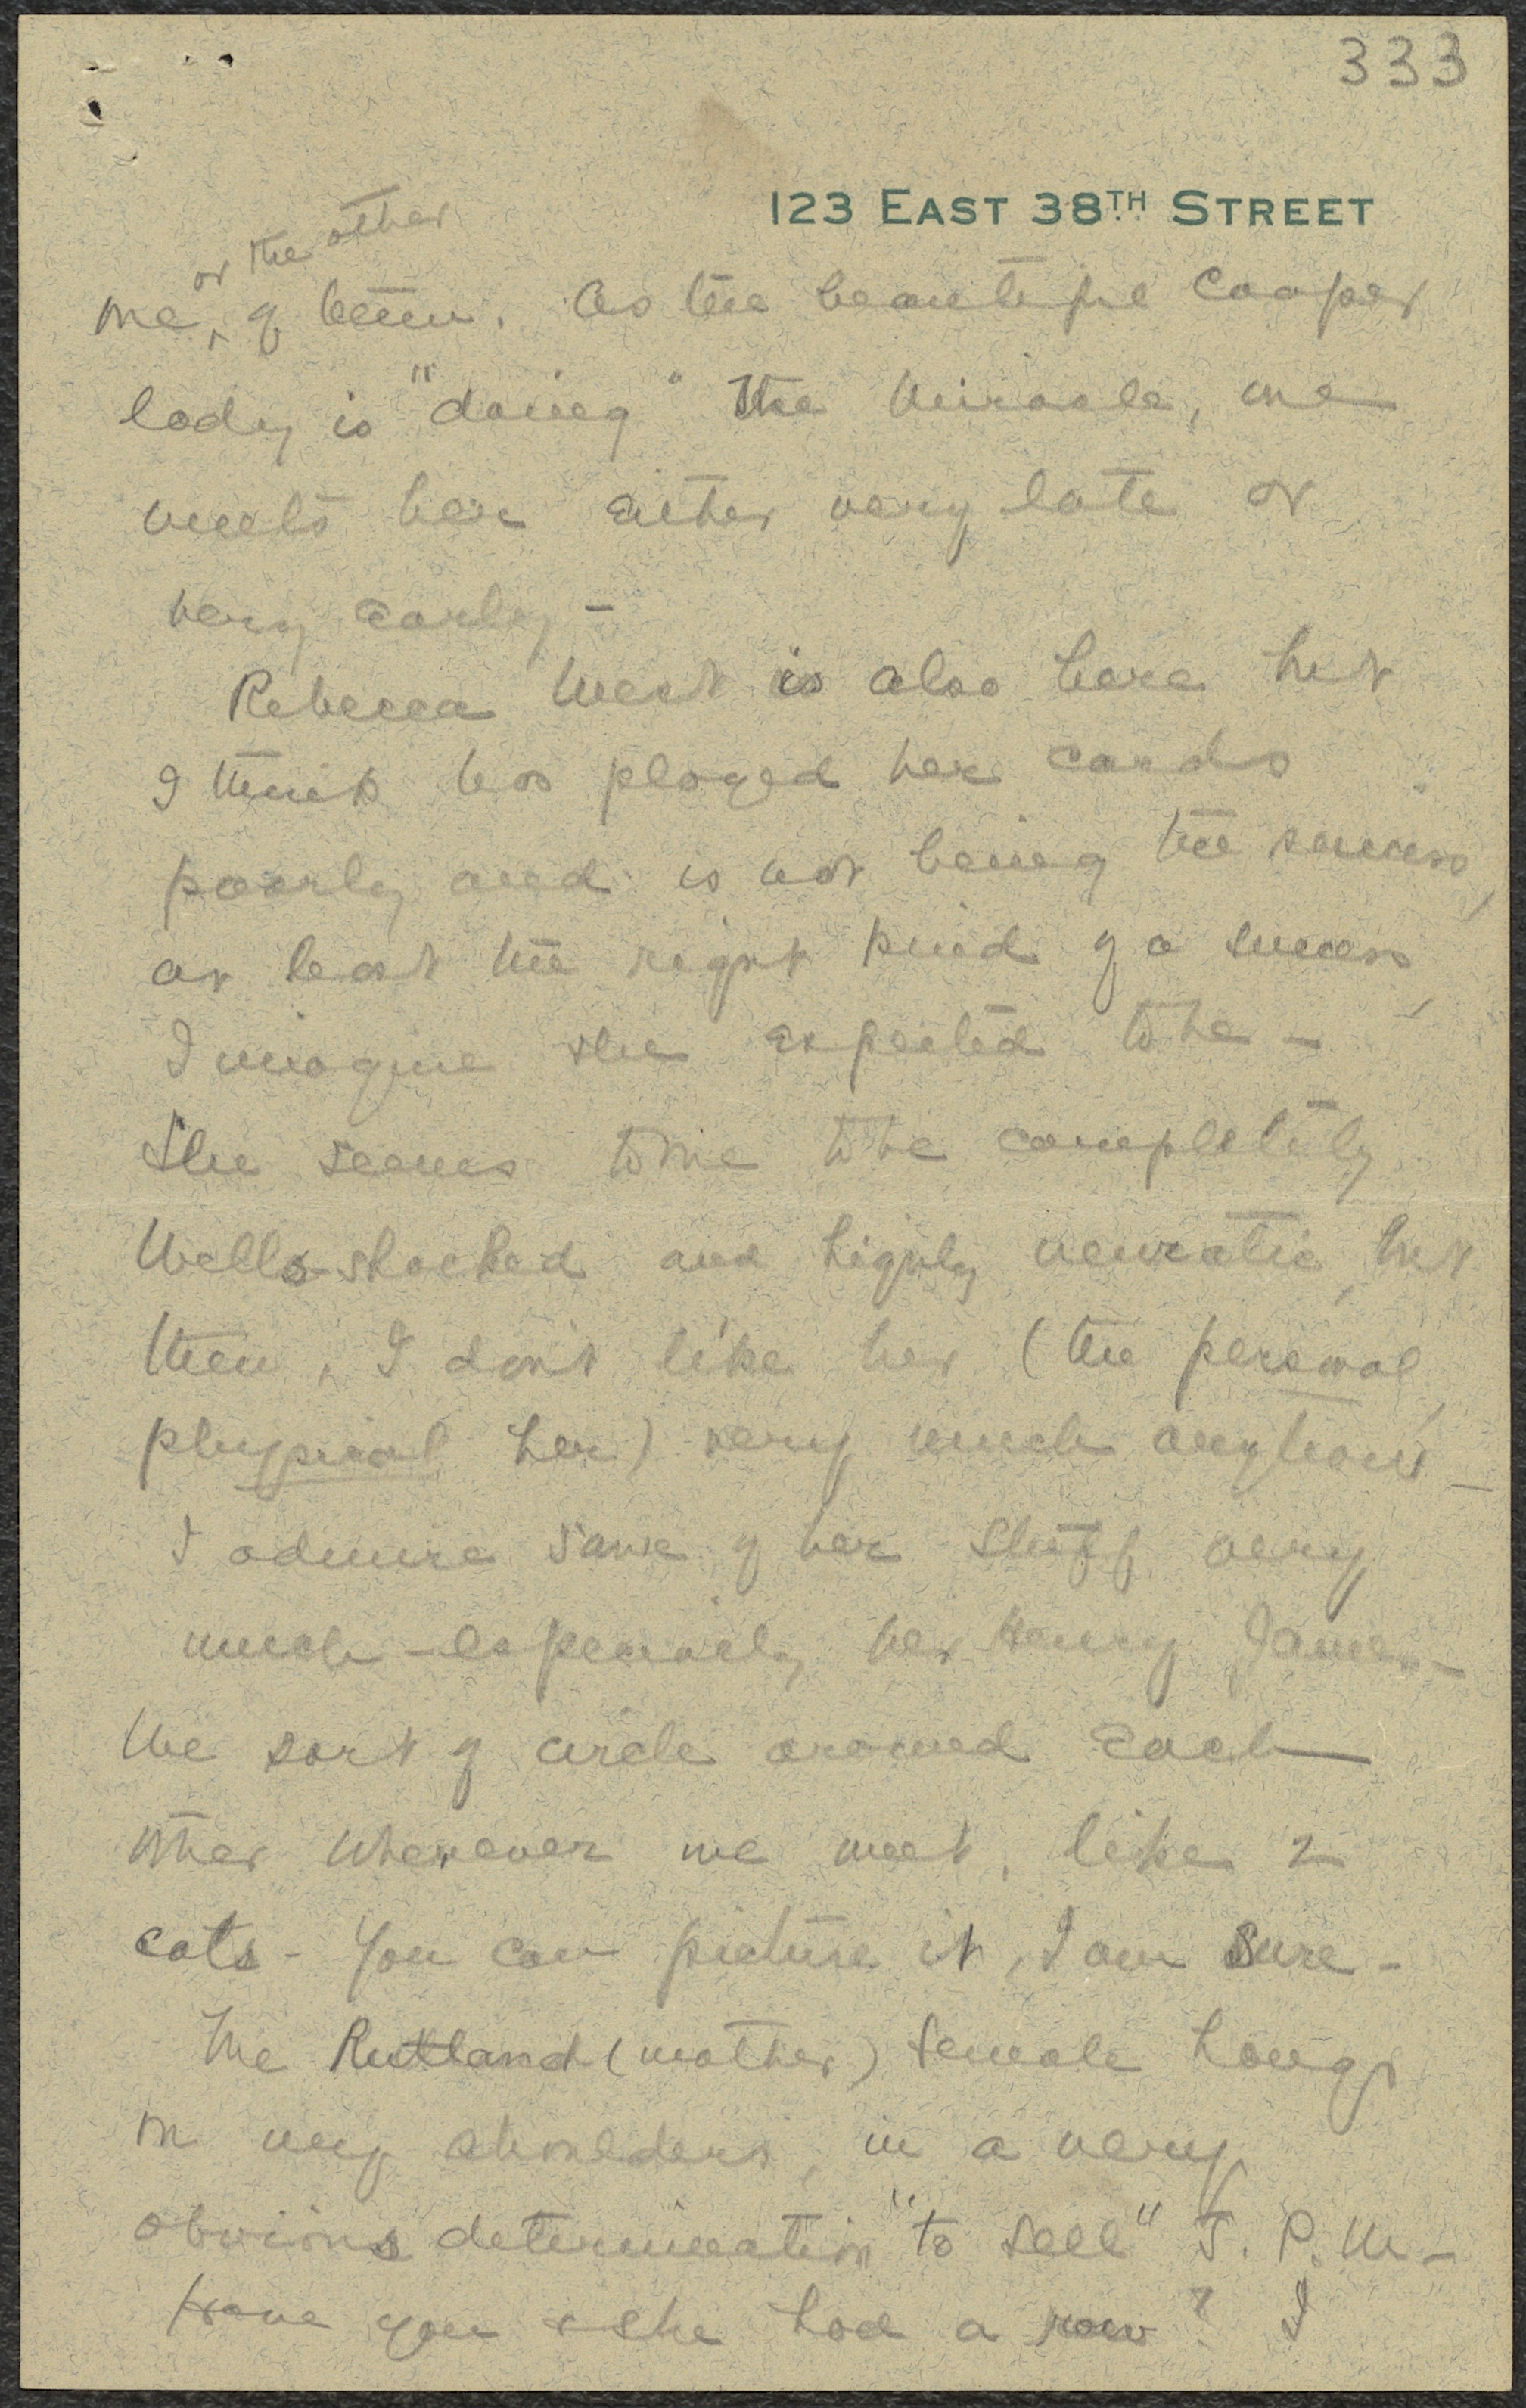me [^or the other^] of them. As the beautiful Cooper lady is "doing" The Miracle, one meets here either very late or very early –
Rebecca West is also here but I think has played her cards poorly and is not being the success, or at least the right kind of a success – I imagine she expected to be – She seems to me to be completely shell-shocked and highly neurotic, but then, I don't like her (the personal, physical her) very much anyhow –
I admire some her stuff very much – especially her Henry James – We sort of circle around each other whenever we meet, like 2 cats – You can picture it, I am sure –
The Rutland (mother) female hangs on my shoulders, in a very obvious determination to "sell" J.P.M –
Have you & she had a row? I